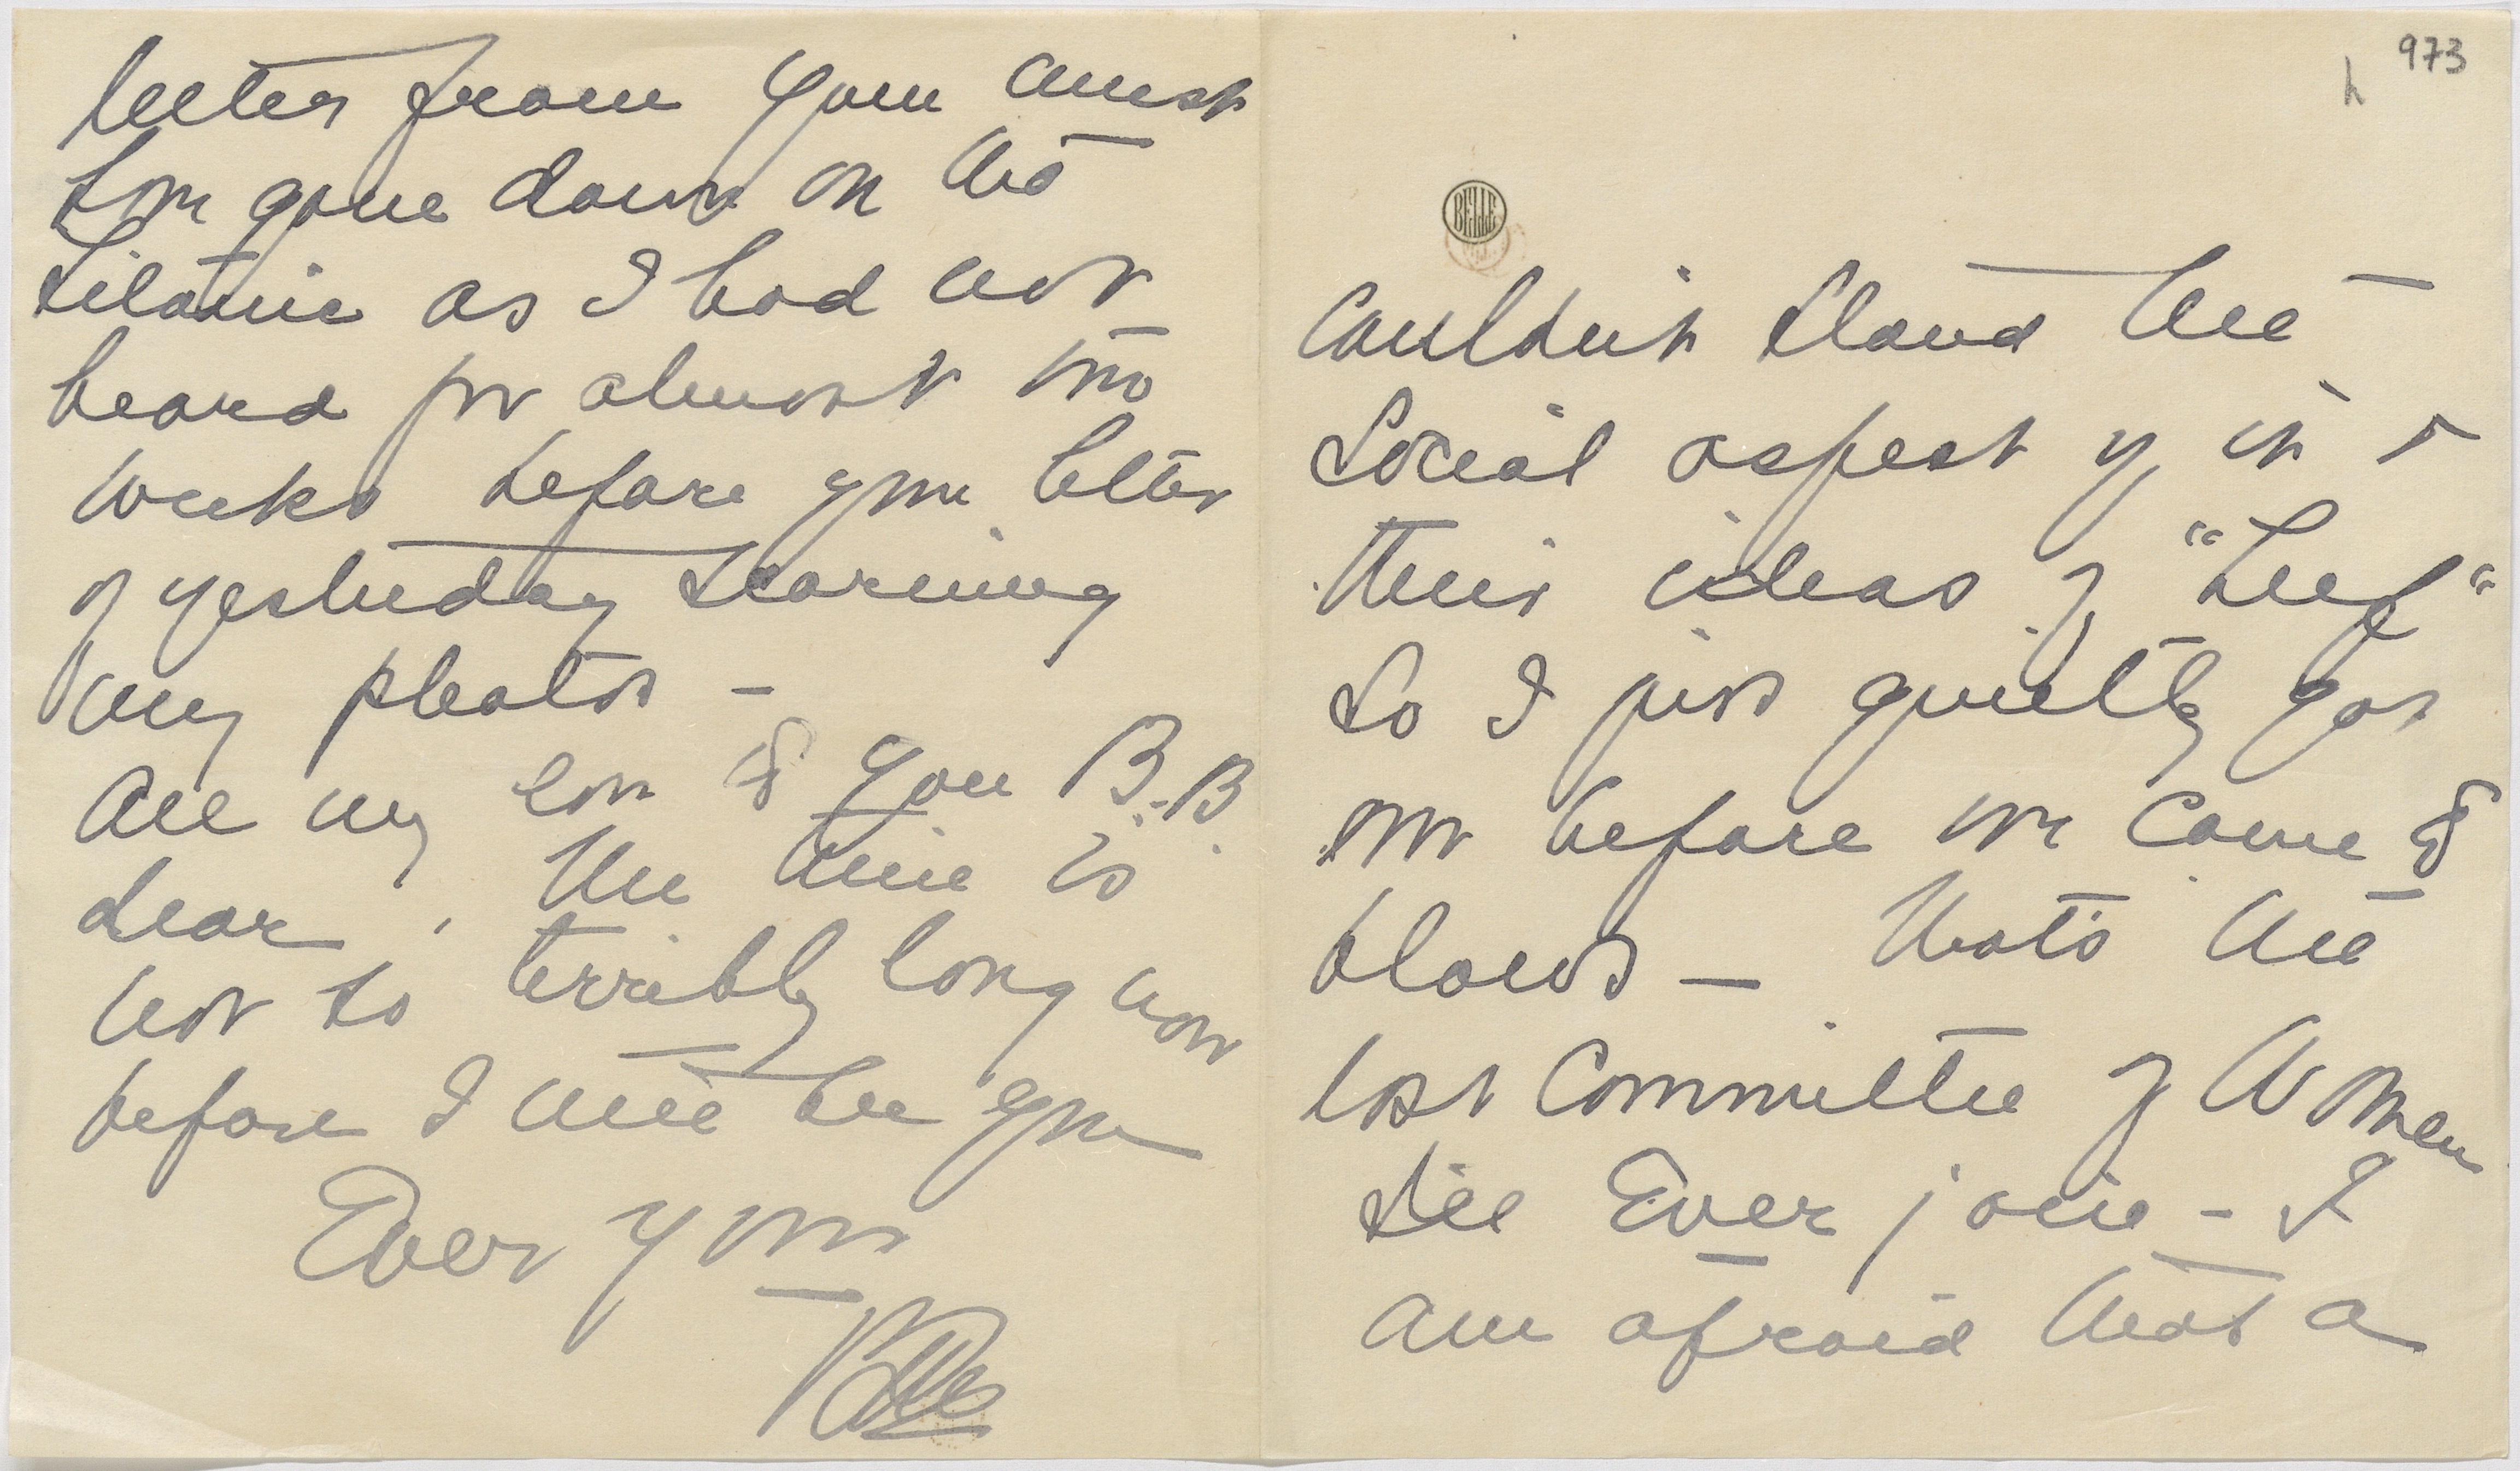couldn’t stand the social aspect of it & their ideas of “help” so I just quietly got out before we came to blows – That’s the last committee of women I’ll ever join – I am afraid that a
letter from you must have gone down on the Titanic as I had not heard for almost two weeks before your letter of yesterday scorning my photos –
All my love to you B. B. dear. The time is not so terribly long now before I will see you
Ever Your
Belle